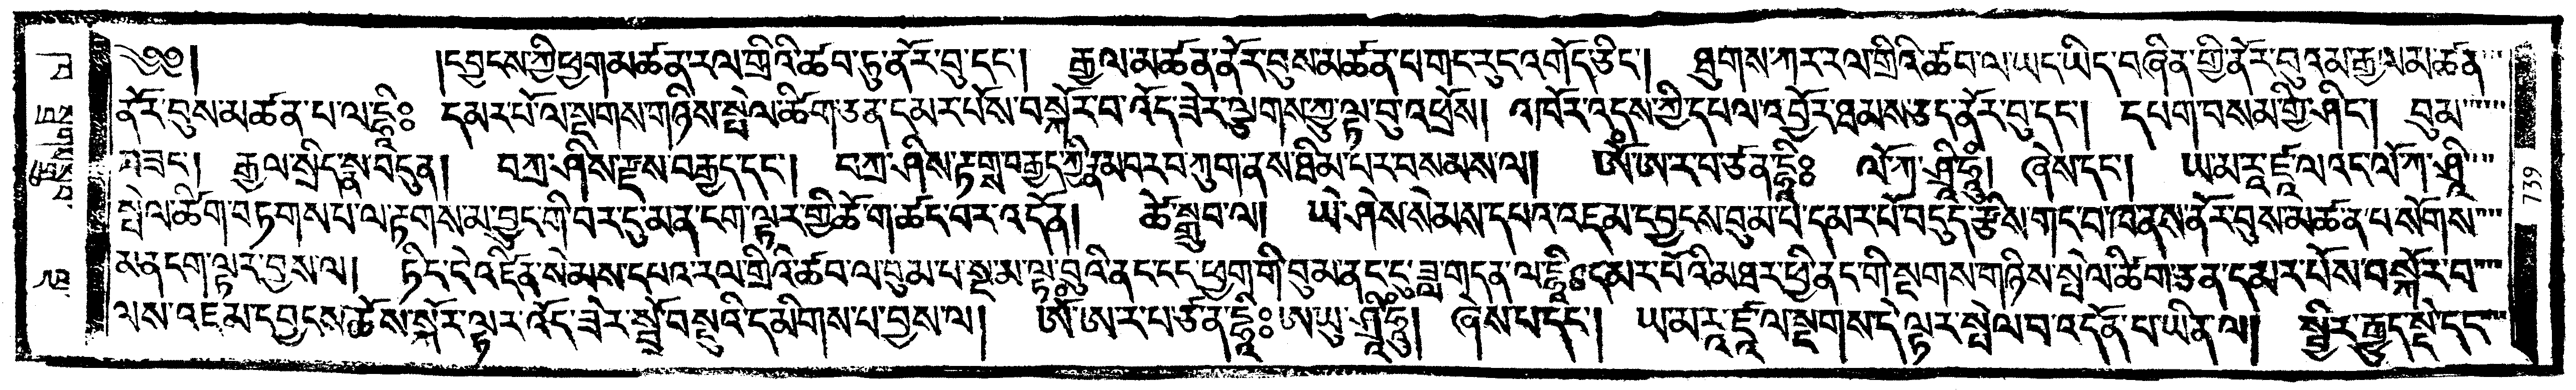༄༅། །དབྱངས་ཀྱི་ཕྱག་མཚན་རལ་གྲིའི་ཚབ་ཏུ་ནོར་བུ་དང་། རྒྱལ་མཚན་ནོར་བུས་མཚན་པ་གང་རུང་འགོད་ཅིང་། ཐུགས་ཀར་རལ་གྲིའི་ཚབ་ལ་ཡང་ཡིད་བཞིན་གྱི་ནོར་བུའམ་རྒྱལ་མཚན་
ནོར་བུས་མཚན་པ་ལ་དྷཱིཿ དམར་པོ་ལ་སྔགས་གཉིས་སྤེལ་ཚིག་ཅན་དམར་པོས་བསྐོར་བ་འོད་ཟེར་ལྕགས་ཀྱུ་ལྟ་བུ་འཕྲོས། འཁོར་འདས་ཀྱི་དཔལ་འབྱོར་ཐམས་ཅད་ནོར་བུ་དང་། དཔག་བསམ་གྱི་ཤིང་། བུམ་
བཟང་། རྒྱལ་སྲིད་སྣ་བདུན། བཀྲ་ཤིས་རྫས་བརྒྱད་དང་། བཀྲ་ཤིས་རྟགས་བརྒྱད་ཀྱི་རྣམ་པར་བཀུག་ནས་ཐིམ་པར་བསམས་ལ། ཨོཾ་ཨ་ར་པ་ཙ་ན་དྷཱིཿ ལོ་ཀ་ཤྲཱི་ཧཱུཾ། ཞེས་དང་། ཡ་མ་རཱ་ཛཱ་ལའང་ལོ་ཀ་ཤྲཱི་
སྤེལ་ཚིག་བཏགས་པ་ལ་རྟགས་མ་བྱུང་གི་བར་དུ་མན་ངག་ལྟར་གྱི་ཆོ་ག་ཚང་བར་འདོན། ཚེ་སྒྲུབ་ལ། ཡེ་ཤེས་སེམས་དཔའ་འཇམ་དབྱངས་བུམ་པ་དམར་པོ་བདུད་རྩིས་གང་བ་ཁ་ནས་ནོར་བུས་མཚན་པ་སོགས་
མན་ངག་ལྟར་བྱས་ལ། ཏིང་ངེ་འཛིན་སེམས་དཔའ་རལ་གྲིའི་ཚབ་ལ་བུམ་པ་སྔ་མ་ལྟ་བུའི་ནང་ངང་ཕྱག་གི་བུམ་ནང་དུ་ཟླ་གདན་ལ་དྷཱིཿ དམར་པོའི་མཐར་ཕྱི་ནང་གི་སྔགས་གཉིས་སྤེལ་ཚིག་ཅན་དམར་པོས་བསྐོར་བ་
ལས་འཇམ་དབྱངས་ཆོས་སྐོར་ལྟར་འོད་ཟེར་སྤྲོ་བསྡུའི་དམིགས་པ་བྱས་ལ། ཨོཾ་ཨ་ར་པ་ཙ་ན་དྷཱིཿ ཨ་ཡུ་ཤྲཱི་ཧཱུཾ། ཞེས་པ་དང་། ཡ་མ་རཱ་ཛཱ་ལ་སྔགས་དེ་ལྟར་སྤེལ་བ་འདོན་པ་ཡིན་ལ། སྤྱིར་རྒྱུད་སྡེ་དང་